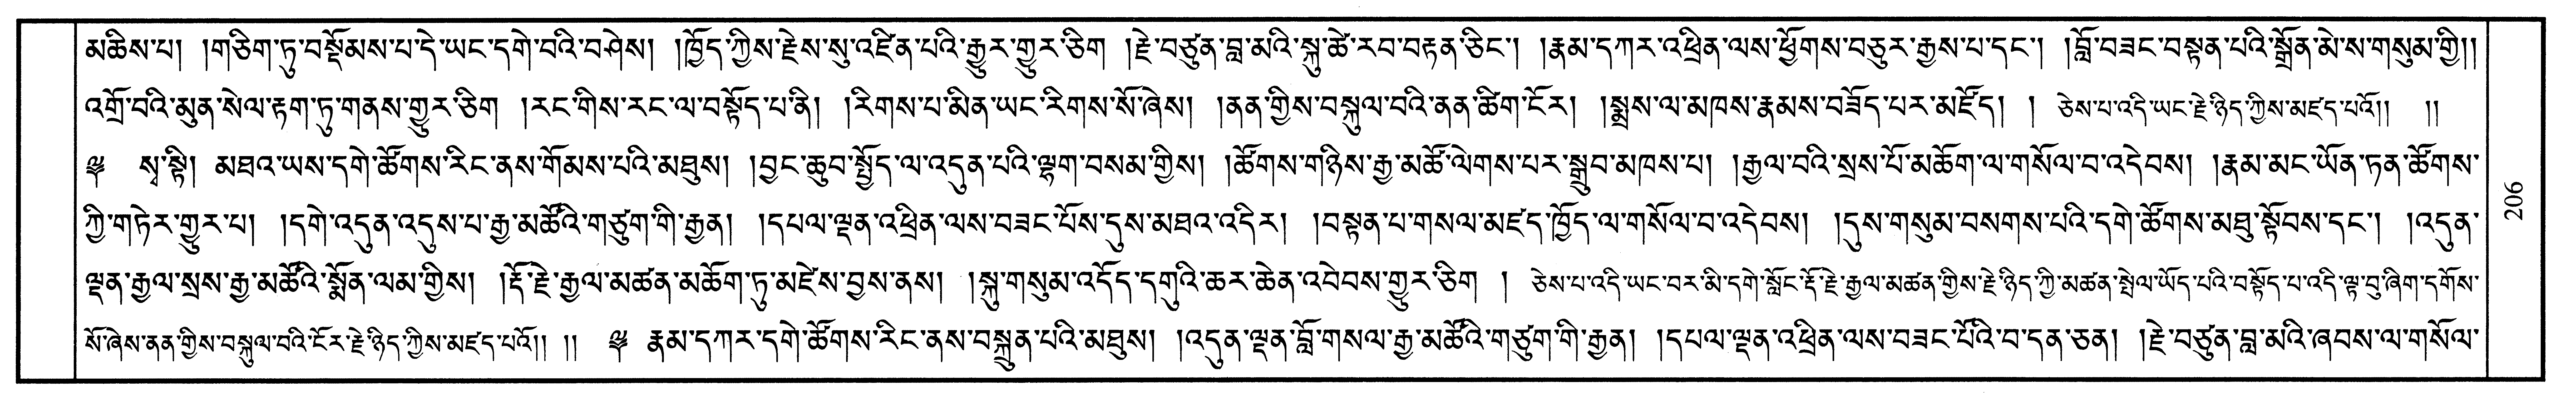མཆིས་པ། །གཅིག་ཏུ་བསྡོམས་པ་དེ་ཡང་དགེ་བའི་བཤེས། །ཁྱོད་ཀྱིས་རྗེས་སུ་འཛིན་པའི་རྒྱུར་གྱུར་ཅིག །རྗེ་བཙུན་བླ་མའི་སྐུ་ཚེ་རབ་བརྟན་ཅིང་། །རྣམ་དཀར་འཕྲིན་ལས་ཕྱོགས་བཅུར་རྒྱས་པ་དང་། །བློ་བཟང་བསྟན་པའི་སྒྲོན་མེ་ས་གསུམ་གྱི།།
འགྲོ་བའི་མུན་སེལ་རྟག་ཏུ་གནས་གྱུར་ཅིག །རང་གིས་རང་ལ་བསྟོད་པ་ནི། །རིགས་པ་མིན་ཡང་རིགས་སོ་ཞེས། །ནན་གྱིས་བསྐུལ་བའི་ནན་ཚིག་ངོར། །སྨྲས་ལ་མཁས་རྣམས་བཟོད་པར་མཛོད། །ཅེས་པ་འདི་ཡང་རྗེ་ཉིད་ཀྱིས་མཛད་པའོ།། །།
༈ སྭ་སྟི། མཐའ་ཡས་དགེ་ཚོགས་རིང་ནས་གོམས་པའི་མཐུས། །བྱང་ཆུབ་སྤྱོད་ལ་འདུན་པའི་ལྷག་བསམ་གྱིས། །ཚོགས་གཉིས་རྒྱ་མཚོ་ལེགས་པར་སྒྲུབ་མཁས་པ། །རྒྱལ་བའི་སྲས་པོ་མཆོག་ལ་གསོལ་བ་འདེབས། །རྣམ་མང་ཡོན་ཏན་ཚོགས་
ཀྱི་གཏེར་གྱུར་པ། །དགེ་འདུན་འདུས་པ་རྒྱ་མཚོའི་གཙུག་གི་རྒྱན། །དཔལ་ལྡན་འཕྲིན་ལས་བཟང་པོས་དུས་མཐའ་འདིར། །བསྟན་པ་གསལ་མཛད་ཁྱོད་ལ་གསོལ་བ་འདེབས། །དུས་གསུམ་བསགས་པའི་དགེ་ཚོགས་མཐུ་སྟོབས་དང་། །འདུན་
ལྡན་རྒྱལ་སྲས་རྒྱ་མཚོའི་སྨོན་ལམ་གྱིས། །རྡོ་རྗེ་རྒྱལ་མཚན་མཆོག་ཏུ་མཛེས་བྱས་ནས། །སྐུ་གསུམ་འདོད་དགུའི་ཆར་ཆེན་འབེབས་གྱུར་ཅིག །ཅེས་པ་འདི་ཡང་བར་མི་དགེ་སློང་རྡོ་རྗེ་རྒྱལ་མཚན་གྱིས་རྗེ་ཉིད་ཀྱི་མཚན་སྤེལ་ཡོད་པའི་བསྟོད་པ་འདི་ལྟ་བུ་ཞིག་དགོས་
སོ་ཞེས་ནན་གྱིས་བསྐུལ་བའི་ངོར་རྗེ་ཉིད་ཀྱིས་མཛད་པའོ།། །། ༈ རྣམ་དཀར་དགེ་ཚོགས་རིང་ནས་བསྐྲུན་པའི་མཐུས། །འདུན་ལྡན་བློ་གསལ་རྒྱ་མཚོའི་གཙུག་གི་རྒྱན། །དཔལ་ལྡན་འཕྲིན་ལས་བཟང་པོའི་བ་དན་ཅན། །རྗེ་བཙུན་བླ་མའི་ཞབས་ལ་གསོལ་